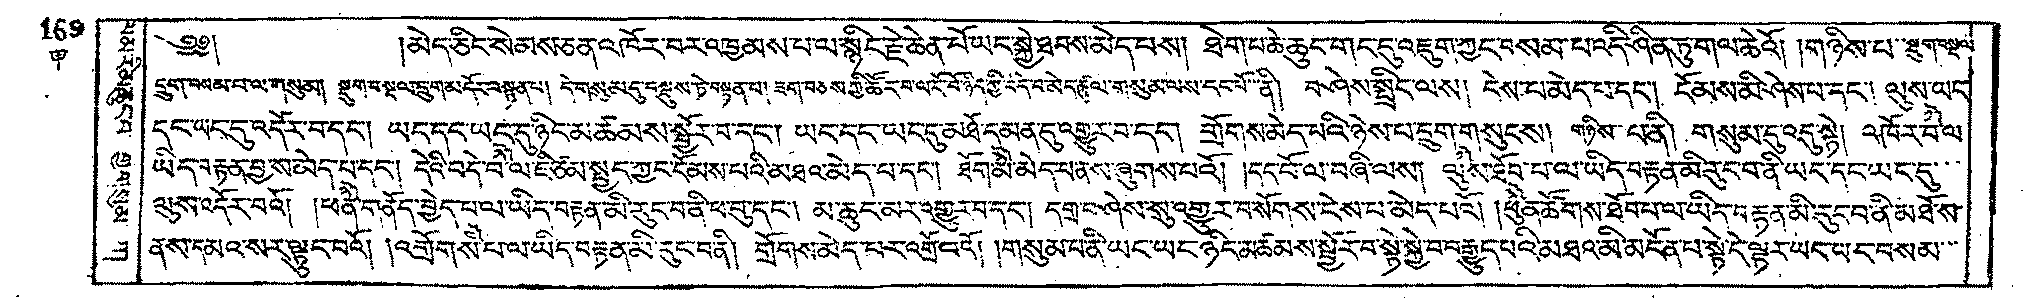༄༅། །མེད་ཅིང་སེམས་ཅན་འཁོར་བར་འཁྱམས་པ་ལ་སྙིང་རྗེ་ཆེན་པོ་ཡང་སྐྱེ་ཐབས་མེད་པས། ཐེག་པ་ཆེ་ཆུང་གང་དུ་འཇུག་ཀྱང་བསམ་པ་འདི་ཤིན་ཏུ་གལ་ཆེའོ། །གཉིས་པསྡུག་བསྔལ་
དྲུག་བསམ་པ་ལ་གསུམ། སྡུག་བསྔལ་དྲུག་མདོར་བསྟན་པ། དེ་གསུམ་དུ་བསྡུས་ཏེ་བསྟན་པ། ཟག་བཅས་ཀྱི་ཚོར་བ་ལ་ངོ་བོ་ཉིད་ཀྱི་བདེ་བ་མེད་ཚུལ་གསུམ་ལས་དང་པོནི། བཤེས་སྤྲིང་ལས། ངེས་པ་མེད་པ་དང་། ངོམས་མི་ཤེས་པ་དང་། ལུས་ཡང་
དང་ཡང་དུ་འདོར་བ་དང་། ཡང་དང་ཡང་དུ་ཉིང་མཚམས་སྦྱོར་བ་དང་། ཡང་དང་ཡང་དུ་མཐོ་དམན་དུ་འགྱུར་བ་དང་། གྲོགས་མེད་པའི་ཉེས་པ་དྲུག་གསུངས། གཉིསཔ་ནི། གསུམ་དུ་འདུ་སྟེ། འཁོར་བ་ལ་
ཡིད་བརྟན་བྱ་ས་མེད་པ་དང་། དེའི་བདེ་བ་ལ་ཇི་ཙམ་སྤྱད་ཀྱང་ངོམས་པའི་མཐའ་མེད་པ་དང་། ཐོག་མ་མེད་པ་ནས་ཞུགས་པའོ། །དང་པོ་ལ་བཞི་ལས། ལུས་ཐོབ་པ་ལ་ཡིད་བརྟན་མི་རུང་བ་ནི་ཡང་དང་ཡང་དུ་
ལུས་འདོར་བའོ། །ཕན་གནོད་བྱེད་པ་ལ་ཡིད་བརྟན་མི་རུང་བ་ནི་ཕ་བུ་དང་། མ་ཆུང་མར་འགྱུར་བ་དང་། དགྲ་བཤེས་སུ་འགྱུར་བ་སོགས་ངེས་པ་མེད་པའོ། །ཕུན་ཚོགས་ཐོབ་པ་ལ་ཡིད་བརྟན་མི་རུང་བ་ནི་མཐོ་ས་
ནས་དམའ་སར་ལྟུང་བའོ། །འགྲོགས་པ་ལ་ཡིད་བརྟན་མི་རུང་བ་ནི། གྲོགས་མེད་པར་འགྲོ་བའོ། །གསུམ་པ་ནི་ཡང་ཡང་ཉིང་མཚམས་སྦྱོར་བ་སྟེ་སྐྱེ་བ་བརྒྱུད་པའི་མཐའ་མི་མངོན་པ་སྟེ་དེ་ལྟར་ཡང་ཡང་བསམ་